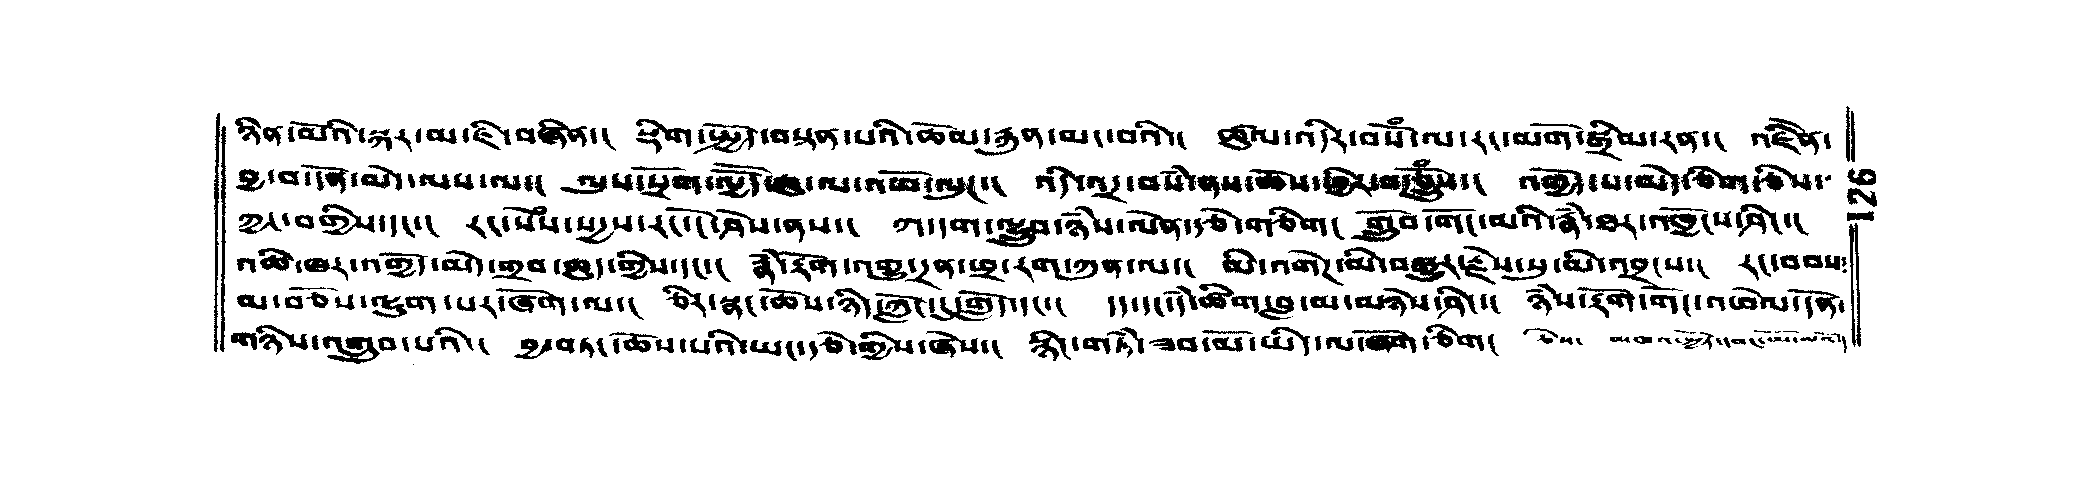ཉིན་མོའི་སྐར་མ་ཇི་བཞིན། །སྡིག་སྤྱོད་བསྟན་པའི་ཆོམ་རྐུན་མང་བའི། །ཚུལ་འདིར་སོམས་ལ་རང་མགོ་སྒྲིམ་རན། །འཇིག་རྟེན་
བྱ་བ་དོན་མེད་ལས་ལ། །ལུས་སྲོག་ལོངས་སྤྱོད་ཆུ་ལ་འཕོ་དུས། །འདི་འདྲ་བསམ་ནས་ཆོས1$1000220་ཕྱིར་བརྩོན་འགྲུས། །འགྱོད་པ་མེད་ཅིང་ཅིས་
ཀྱང་གྱིས་དང་། །1$1000180རང་སེམས་སངས་རྒྱས་རང་ངོ་ཤེས་ནས། །ཀ་དག་ལྷུན་གྲུབ་ཉམས་ལེན་རྩེ་གཅིག །གྲུབ་ཐོབ་གོང་མའི་རྣམ་ཐར་འཁྱོངས་ཤིང་། །
འཆི་ཁར་འགྱོད་མེད་གྲབས་ཆུད་གྱིས་དང་། །རྣམ་རྟོག་འགྱུ་དྲན་ཕྲ་རགས་ཀུན་ལ། །མི་འགེགས་མི་བསྒྱུར་རྗེས་སུ་མི་འབྲང་། །རང་བབས་
མ་བཅོས་ལྷུག་པར་ཞོག་དང་། །ཅིར་སྣང་ཆོས་ཉིད་ཀློང་དུ་གློད་དང་། །དད་དང་དམ་ཚིག་བླ་མ་མཉེས་ཤིང་། །ཉམས་རྟོགས་གོང་འཕེལ་དོན་
གཉིས་འགྲུབ་པའི། །བྱ་བཏང་ཆོས་པའི་ཡང་རྩེ་གྱིས་ཞེས། །སྙིང་གཏམ་ཟབ་མོ་ཡིད་ལ་ཞོག་ཅིག །ཅེས་མཁའ་སྤྱོད་དབང་མོ་ལའོ།།